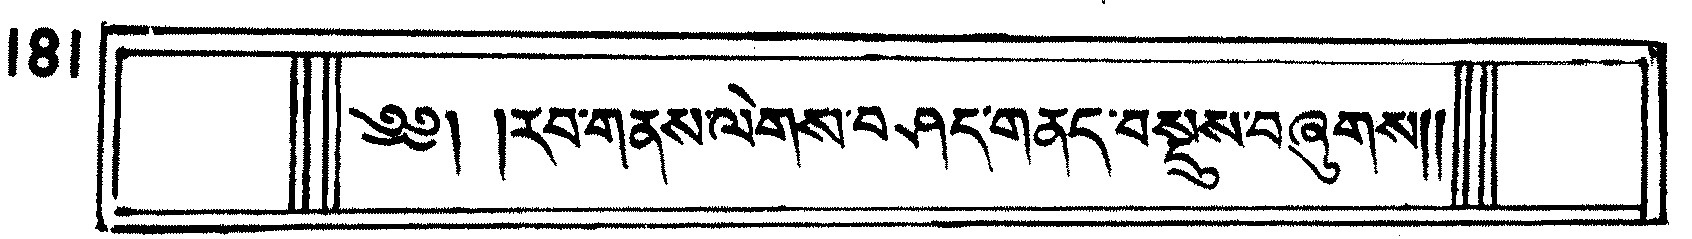༄༅། །རབ་གནས་ལེགས་བཤད་གནད་བསྡུས་བཞུགས། །